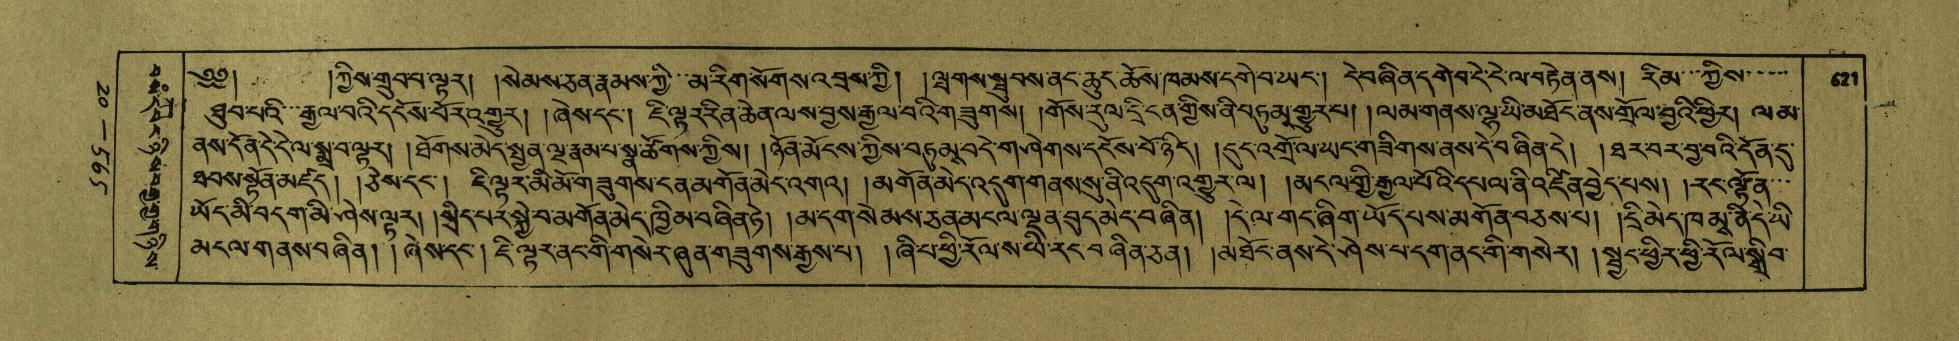༄༅། །ཀྱིས་གྲུབ་པ་ལྟར། །སེམས་ཅན་རྣམས་ཀྱི་མ་རིག་སོགས་འབྲས་ཀྱི། །ལྤགས་སྦུབས་ནང་ཆུད་ཆོས་ཁམས་དགེ་བ་ཡང་། དེ་བཞིན་དགེ་བ་དེ་དེ་ལ་བརྟེན་ནས། རིམ་ཀྱིས་
ཐུབ་པའི་རྒྱལ་བའི་དངོས་པོར་འགྱུར། །ཞེས་དང་། ཇི་ལྟར་རིན་ཆེན་ལས་བྱས་རྒྱལ་བའི་གཟུགས། །གོས་རུལ་དྲི་ངན་གྱིས་ནི་བཏུམས་གྱུར་པ། །ལམ་གནས་ལྷ་ཡི་མཐོང་ནས་གྲོལ་བྱའི་ཕྱིར། ལམ་
ནས་དོན་དེ་དེ་ལ་སྨྲ་བ་ལྟར། །ཐོགས་མེད་སྤྱན་ལྔ་རྣམ་པ་སྣ་ཚོགས་ཀྱིས། །ཉོན་མོངས་ཀྱིས་བཏུམས་བདེ་གཤེགས་དངོས་པོ་ཉིད། །དུད་འགྲོ་ལ་ཡང་གཟིགས་ནས་དེ་བཞིན་དེ། །ཐར་བར་བྱ་བའི་དོན་དུ་
ཐབས་སྟོན་མཛད། །ཅེས་དང་། ཇི་ལྟར་མི་མོ་གཟུགས་ངན་མགོན་མེད་འགའ། །མགོན་མེད་འདུག་གནས་སུ་ནི་འདུག་འགྱུར་ལ། །མངལ་གྱི་རྒྱལ་པོའི་དཔལ་ནི་འཛིན་བྱེད་པས། །རང་ལྟོ་ན་
ཡོད་མི་བདག་མི་ཤེས་ལྟར། །སྲིད་པར་སྐྱེ་བ་མགོན་མེད་ཁྱིམ་བཞིན་ཏེ། །མ་དག་སེམས་ཅན་མངལ་ལྡན་བུད་མེད་བཞིན། །དེ་ལ་གང་ཞིག་ཡོད་པས་མགོན་བཅས་པ། །དྲི་མེད་ཁམས་ནི་དེ་ཡི་
མངལ་གནས་བཞིན། །ཞེས་དང་། ཇི་ལྟར་ནང་གི་གསེར་ཞུན་གཟུགས་རྒྱས་པ། །ཞི་པ་ཕྱི་རོལ་ས་ཡི་རང་བཞིན་ཅན། །མཐོང་ནས་དེ་ཤེས་པ་དག་ནང་གི་གསེར། །སྦྱང་ཕྱིར་ཕྱི་རོལ་སྒྲིབ་